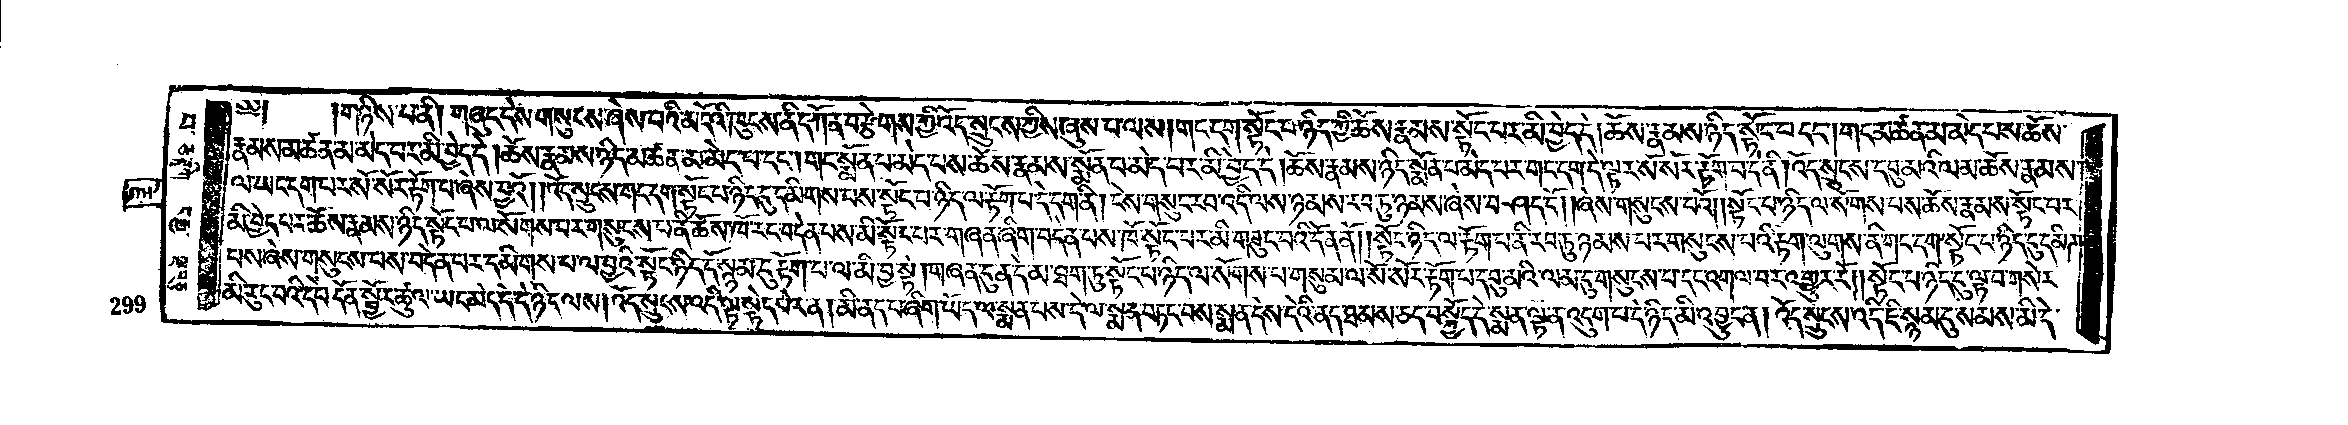༄༅། །གཉིས་པ་ནི། གཞུང་དེས་གསུངས་ཞེས་པའི་མདོའི་ཁུངས་ནི་དཀོན་བརྩེགས་ཀྱི་འོད་སྲུངས་ཀྱིས་ཞུས་པ་ལས། གང་དག་སྟོང་པ་ཉིད་ཀྱི་ཆོས་རྣམས་སྟོང་པར་མི་བྱེད་དེ། ཆོས་རྣམས་ཉིད་སྟོང་པ་དང་། གང་མཚན་མ་མེད་པས་ཆོས་
རྣམས་མཚན་མ་མེད་པར་མི་བྱེད་དེ། ཆོས་རྣམས་ཉིད་མཚན་མ་མེད་པ་དང་། གང་སྨོན་པ་མེད་པས་ཆོས་རྣམས་སྨོན་པ་མེད་པར་མི་བྱེད་དེ། ཆོས་རྣམས་ཉིད་སྨོན་པ་མེད་པར་གང་དག་དེ་ལྟར་སོ་སོར་རྟོག་བ་དེ་ནི། འོད་སྲུངས་དབུ་མའི་ལམ་ཆོས་རྣམས་
ལ་ཡང་དག་པར་སོ་སོར་རྟོག་པ་ཞེས་བྱའོ། །འོད་སྲུངས་གང་དག་སྟོང་པ་ཉིད་དུ་དམིགས་པས་སྟོང་པ་ཉིད་ལ་རྟོག་པ་དེ་དག་ནི། ངས་གསུང་རབ་འདི་ལས་ཉམས་རབ་ཏུ་ཉམས་ཞེས་བཤད་དོ། །ཞེས་གསུངས་པའོ། །སྟོང་པ་ཉིད་ལ་སོགས་པས་ཆོས་རྣམས་སྟོང་པར་
མི་བྱེད་པར་ཆོས་རྣམས་ཉིད་སྟོང་པ་ལ་སོགས་པར་གསུངས་པ་ནི་ཆོས་ཁོ་རང་བདེན་པས་མི་སྟོང་པར་གཞན་ཞིག་བདེན་པས་ཁོ་སྟོང་པར་མི་གཟུང་བའི་དོན་ནོ། །སྟོང་ཉིད་ལ་རྟོག་པ་ནི་རབ་ཏུ་ཉམས་པར་གསུངས་པའི་རྟོག་ལུགས་ནི་གང་དག་སྟོང་པ་ཉིད་དུ་དམིཌ་
པས་ཞེས་གསུངས་པས་བདེན་པར་དམིགས་པ་ལ་བྱའི་སྟོང་ཉིད་དོ་སྙམ་དུ་རྟོག་པ་ལ་མི་བྱ་སྟེ། གཞན་དུ་ན་དེ་མ་ཐག་ཏུ་སྟོང་པ་ཉིད་ལ་སོགས་པ་གསུམ་ལ་སོ་སོར་རྟོག་པ་དབུ་མའི་ལམ་དུ་གསུངས་པ་དང་འགལ་བར་འགྱུར་རོ། །སྟོང་པ་ཉིད་དུ་ལྟ་བ་གསོར་
མི་རུང་བའི་དཔེ་དོན་སྦྱོར་ཚུལ་ཡང་མེད་དེ་དེ་ཉིད་ལས། འོད་སྲུངས་འདི་ལྟ་སྟེ་དཔེར་ན། མི་ནད་པ་ཞིག་ཡོད་ལ་སྨན་པས་དེ་ལ་སྨན་བཏང་བས་སྨན་དེས་དེའི་ནད་ཐམས་ཅད་བསྐྱོད་དེ་སྨན་ལྟོ་ན་འདུག་པ་དེ་ཉིད་མི་འབྱུང་ན། འོད་སྲུངས་འདི་ཇི་སྙམ་དུ་སེམས་མི་དེ་